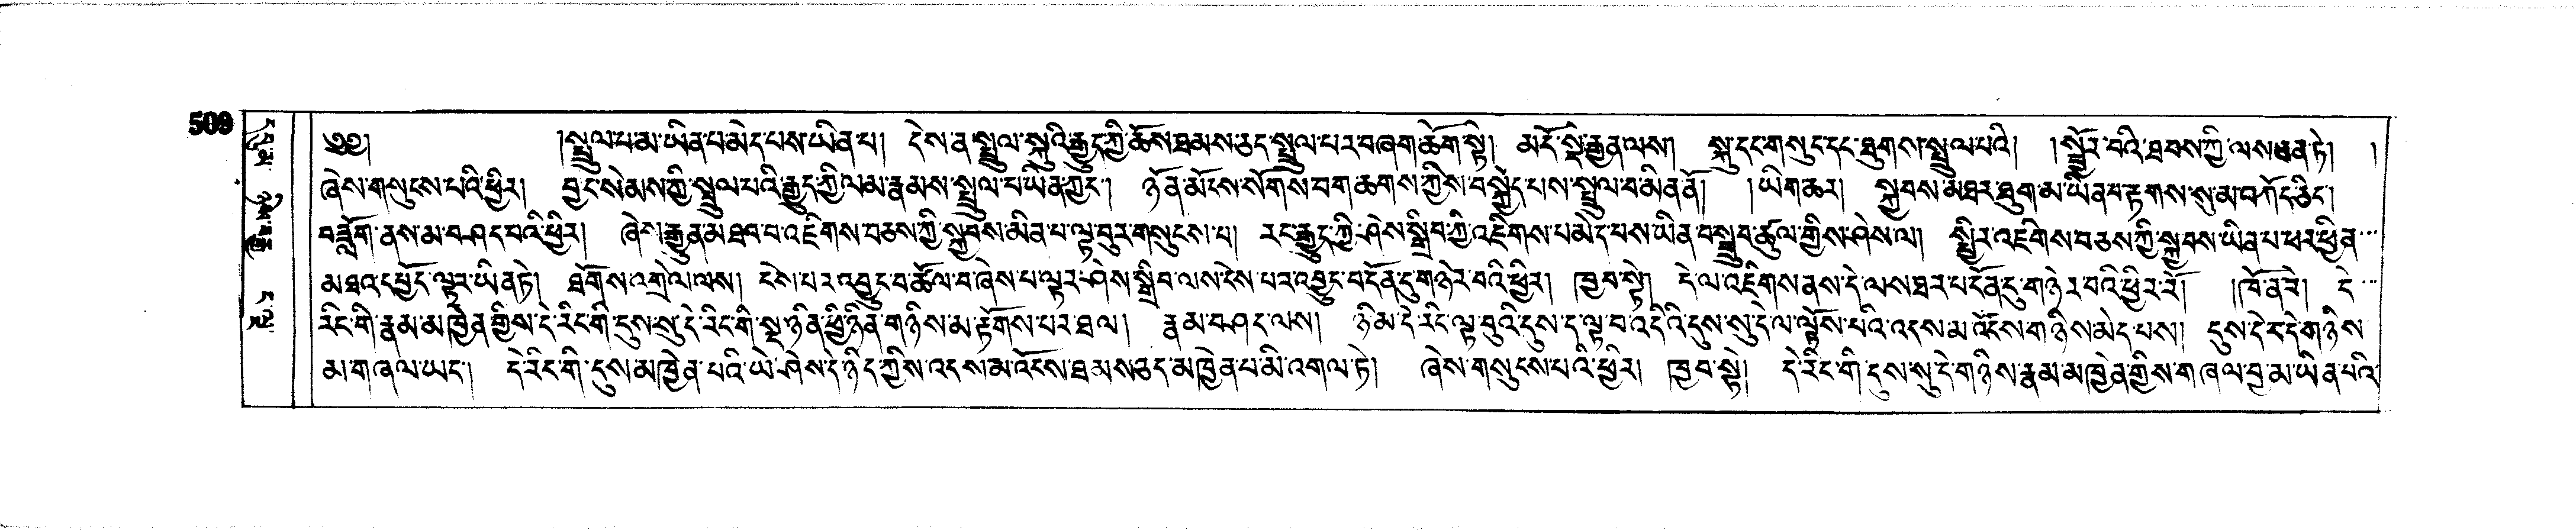༄༅། །སྤྲུལ་པ་མ་ཡིན་པ་མེད་པས་ཡིན་པ། དེས་ན་སྤྲུལ་སྐུའི་རྒྱུད་ཀྱི་ཆོས་ཐམས་ཅད་སྤྲུལ་པར་བཞག་ཆོག་སྟེ། མདོ་སྡེ་རྒྱན་ལས། སྐུ་དང་གསུང་དང་ཐུགས་སྤྲུལ་པའི། །སྦྱོར་བའི་ཐབས་ཀྱི་ལས་ཅན་ཏེ། །
ཞེས་གསུངས་པའི་ཕྱིར། བྱང་སེམས་ཀྱི་སྤྲུལ་པའི་རྒྱུད་ཀྱི་ལམ་རྣམས་སྤྲུལ་པ་ཡིན་ཀྱང་། ཉོན་མོངས་སོགས་བག་ཆགས་ཀྱིས་བསྐྱེད་པས་སྤྲུལ་པ་མིན་ནོ། །ཡིག་ཆར། སྐྱབས་མཐར་ཐུག་མ་ཡིན་པ་རྟགས་སུ་མ་བཀོད་ཅིང་།
བཟློག་ནས་མ་བཤད་པའི་ཕྱིར། ཞེས་རྒྱུན་མཐའ་བ་འཇིགས་བཅས་ཀྱི་སྐྱབས་མིན་པ་ལྟ་བུར་གསུངས་པ། རང་རྒྱུད་ཀྱི་ཤེས་སྒྲིབ་ཀྱི་འཇིགས་པ་མེད་པས་ཡིན་བསྒྲུབ་ཚུལ་གྱིས་ཤེས་ལ། སྤྱིར་འཇིགས་བཅས་ཀྱི་སྐྱབས་ཡིན་པ་ཕར་ཕྱིན་
མཐའ་དཔྱོད་ལྟར་ཡིན་ཏེ། ཐོགས་འགྲེལ་ལས། ངེས་པར་འབྱུང་བ་ཚོལ་བ་ཞེས་པ་ལྟར་ཤེས་སྒྲིབ་ལས་ངེས་པར་འབྱུང་བ་དོན་དུ་གཉེར་བའི་ཕྱིར། ཁྱབ་སྟེ། དེ་ལ་འཇིགས་ནས་དེ་ལས་ཐར་པ་དོན་དུ་གཉེར་བའི་ཕྱིར་རོ། །ཁོ་ན་རེ། དེ་
རིང་གི་རྣམ་མཁྱེན་གྱིས་དེ་རིང་གི་དུས་སུ་དེ་རིང་གི་སྔ་ཉིན་ཕྱི་ཉིན་གཉིས་མ་རྟོགས་པར་ཐལ། རྣམ་བཤད་ལས། ཉི་མ་དེ་རིང་ལྟ་བུའི་དུས་ད་ལྟ་བ་འདིའི་དུས་སུ་དེ་ལ་ལྟོས་པའི་འདས་མ་འོངས་གཉིས་མེད་པས། དུས་དེ་བདེ་གཉིས་
མ་གཞལ་ཡང་། དེ་རིང་གི་དུས་མཁྱེན་པའི་ཡེ་ཤེས་དེ་ཉིད་ཀྱིས་འདས་མ་འོངས་ཐམས་ཅད་མཁྱེན་པ་མི་འགལ་ཏེ། ཞེས་གསུངས་པའི་ཕྱིར། ཁྱབ་སྟེ། དེ་རིང་གི་དུས་སུ་དེ་གཉིས་རྣམ་མཁྱེན་གྱིས་གཞན་བྱ་མ་ཡིན་པའི་